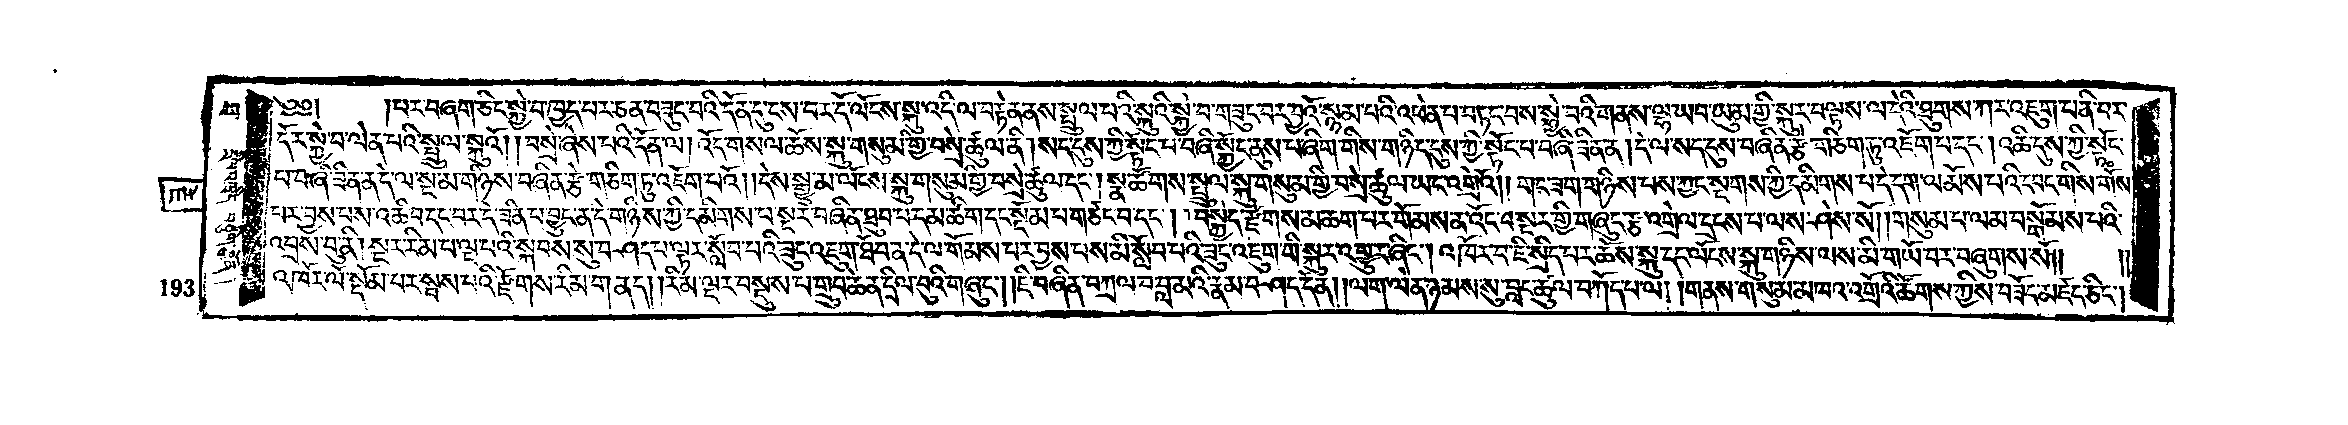༄༅། །པར་བཞག་ཅིང་སྐྱེ་བ་ཁྱད་པར་ཅན་བཟུང་བའི་དོན་དུ་ངས་པར་དོ་ལོངས་སྐུ་འདི་ལ་བརྟེན་ནས་སྤྲུལ་པའི་སྐུའི་སྐྱེ་བ་གཟུང་བར་བྱའོ་སྙམ་པའི་འཕེན་པ་བཏང་བས་སྐྱེ་བའི་གནས་ལྷ་ཡབ་ཡུམ་གྱི་སྐུར་བལྟས་ལ་དེའི་ཐུགས་ཀར་འཇུག་པ་ནི་བར་
དོར་སྐྱེ་བ་ལེན་པའི་སྤྲུལ་སྐུའོ། །བསྲེ་ཞེས་པའི་དོན་ལ། འོད་གསལ་ཆོས་སྐུ་གསུམ་གྱི་བསྲེ་ཚུལ་ནི། སད་དུས་ཀྱི་སྟོང་པ་བཞི་སྐྱོང་ནུས་པ་ཞིག་གིས་གཉིད་དུས་ཀྱི་སྟོང་པ་བཞི་ཟིན་ན། དེ་ལ་སད་དུས་བཞིན་རྩེ་གཅིག་ཏུ་འཇོག་པ་དང་། འཆི་དུས་ཀྱི་སྟོང་
པ་བཞི་ཟིན་ན་དེ་ལ་སྔ་མ་གཉིས་བཞིན་རྩེ་གཅིག་ཏུ་འཇོག་པའོ། །དེས་སྒྱུ་མ་ལོངས་སྐུ་གསུམ་གྱི་བསྲེ་ཚུལ་དང་། སྣ་ཚོགས་སྤྲུལ་སྐུ་གསུམ་གྱི་བསྲེ་ཚུལ་ཡང་འགྲེའོ། །གང་ཟག་གཉིས་པས་ཀྱང་སྔགས་ཀྱི་དམིགས་པ་དེ་དག་ལ་མོས་པའི་དབང་གིས་གོམས་
པར་བྱས་པས་འཆི་བ་དང་བར་དེ་ཟིན་པ་བྱུང་ན་དེ་གཉིས་ཀྱི་དམིགས་པ་སྔར་བཞིན་ཐུབ་པ་དམ་ཚིག་དང་སྡོམ་པ་གཙང་བ་དང་། །བསྐྱེད་རྫོགས་མ་ཆག་པར་གོམས་ན་འོང་བ་སྔར་གྱི་གཞུང་རྩ་འགྲེལ་དྲངས་པ་ལས་ཤེས་སོ། །གསུམ་པ་ལམ་བསྒོམས་པའི་
འབྲས་བུ་ནི། སྔར་རིམ་པ་ལྔ་པའི་སྐབས་སུ་བཤད་པ་ལྟར་སློབ་པའི་ཟུང་འཇུག་ཐོབ་ན་དེ་ལ་གོམས་པར་བྱས་པས་མི་སློབ་པའི་ཟུང་འཇུག་གི་སྐུར་འགྱུར་ཞིང་། འཁོར་བ་ཇི་སྲིད་པར་ཆོས་སྐུ་དང་ལོངས་སྐུ་གཉིས་ལས་མི་གཡོ་བར་བཞུགས་སོ།། །།
འཁོར་ལོ་སྡོམ་པར་སྦས་པའི་རྫོགས་རིམ་གནད། །རིམ་ལྔར་བསྡུས་པ་གྲུབ་ཆེན་དྲིལ་བུའི་གཞུང་། །ཇི་བཞིན་བཀྲལ་བ་བླ་མའི་རྣམ་བཤད་དོན། །ལག་ལེན་ཉམས་སུ་བླང་ཚུལ་བཀོད་པ་ལ། །གནས་གསུམ་མཁའ་འགྲོའི་ཚོགས་ཀྱིས་བཟོད་མཛེད་ཅིང་